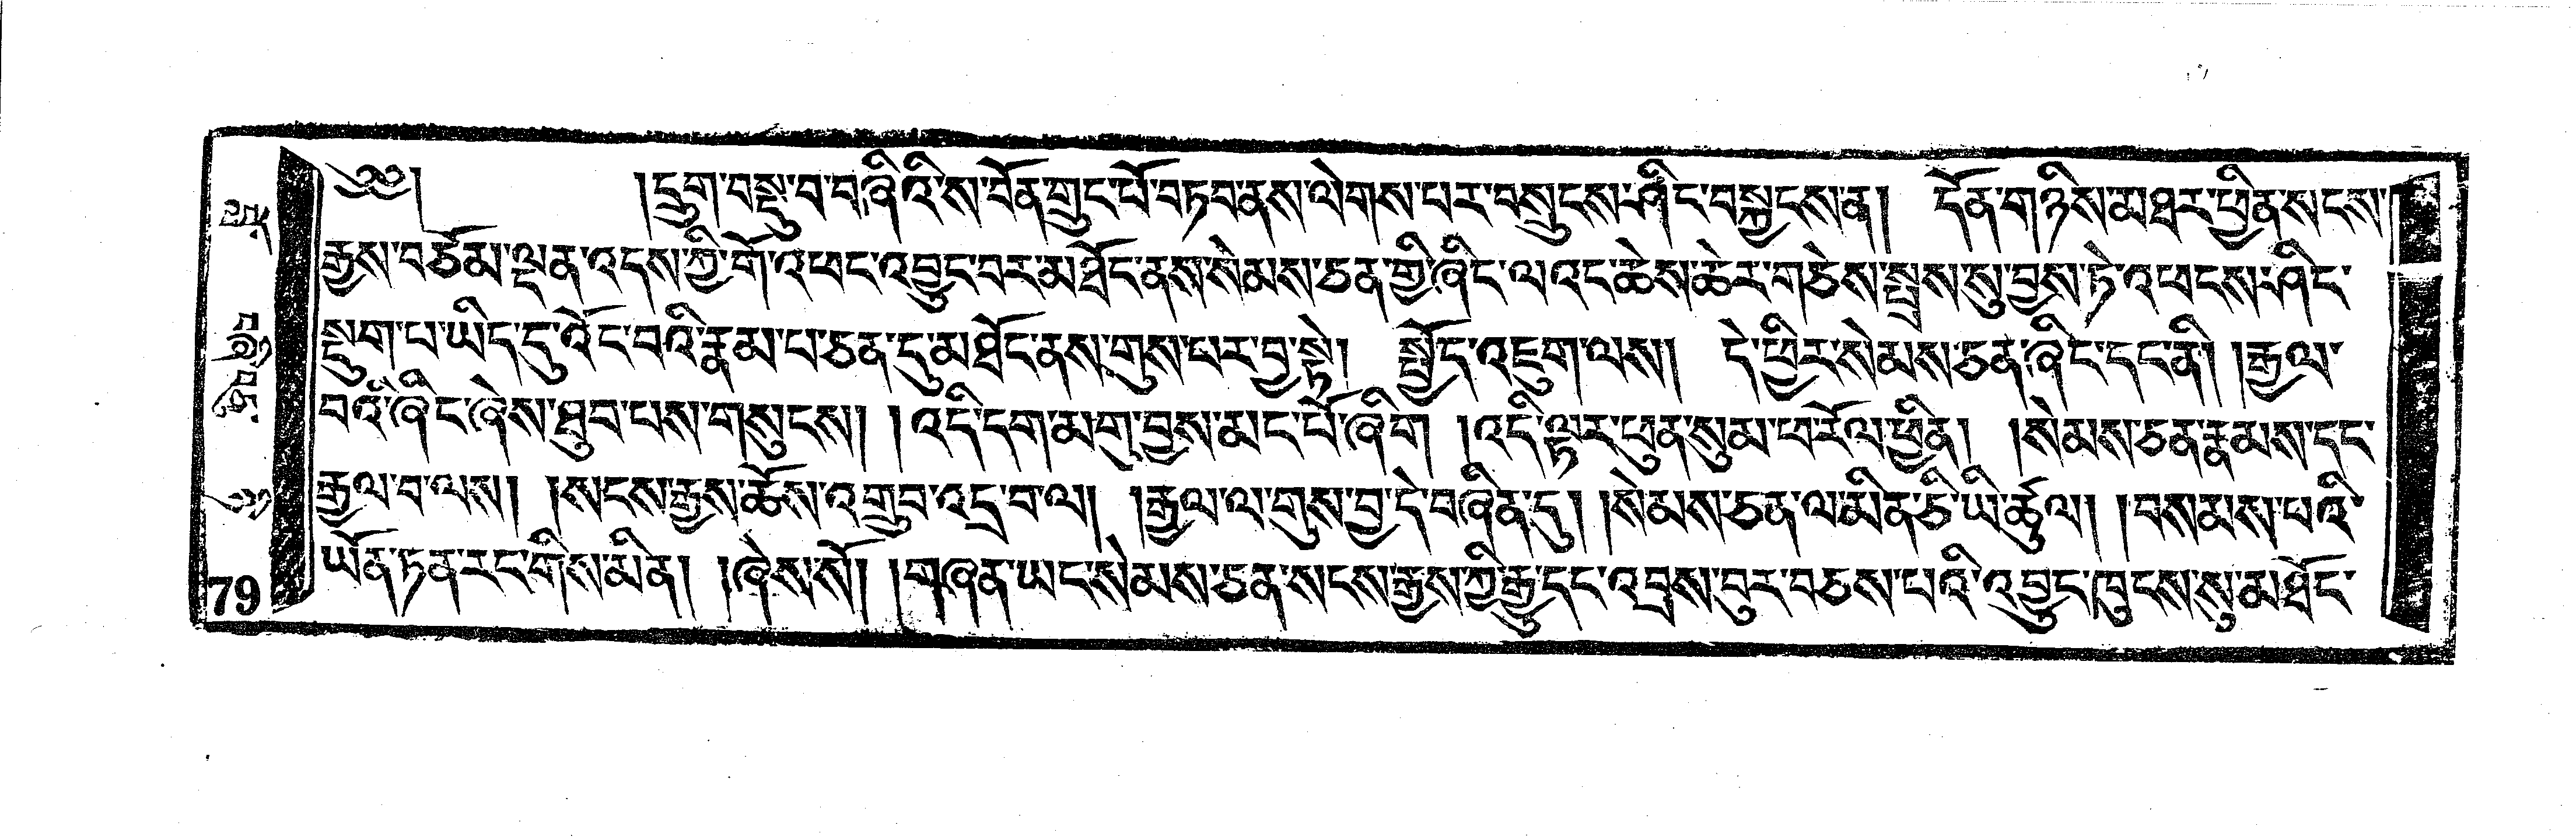༄༅། །དྲུག་བསྡུ་བ་བཞིའི་ས་བོན་གྲུང་པོ་བཏབ་ནས་ལེགས་པར་བསྲུངས་ཤིང་བསྐྱངས་ན། དོན་གཉིས་མཐར་ཕྱིན་སངས་
རྒྱས་བཅོམ་ལྡན་འདས་ཀྱི་གོ་འཕང་འབྱུང་བར་མཐོང་ནས་སེམས་ཅན་གྱི་ཞིག་ལའང་ཆེས་ཆེར་གཅེས་སྤྲས་སུ་བྱས་ཏེ་འཕངས་ཤིང་
སྡུག་པ་ཡིད་དུ་འོང་བའི་རྣམ་པ་ཅན་དུ་མཐོང་ནས་གུས་པར་བྱ་སྟེ། སྤྱོད་འཇུག་ལས། དེ་ཕྱིར་སེམས་ཅན་ཞིང་དང་ནི། །རྒྱལ་
བའི་ཞིང་ཞེས་ཐུབ་པས་གསུངས། །འདི་དག་མགུ་བྱས་མང་པོ་ཞིག །འདི་ལྟར་ཕུན་སུམ་ཕ་རོལ་ཕྱིན། །སེམས་ཅན་རྣམས་དང་
རྒྱལ་བ་ལས། །སངས་རྒྱས་ཆོས་འགྲུབ་འདྲ་བ་ལ། །རྒྱལ་ལ་གུས་བྱ་དེ་བཞིན་དུ། །སེམས་ཅན་ལ་མིན་ཅི་ཡི་ཚུལ། །བསམས་པའི་
ཡོན་ཏན་རང་གིས་མིན། །ཞེས་སོ། །གཞན་ཡང་སེམས་ཅན་སངས་རྒྱས་ཀྱི་རྒྱུ་དང་འབྲས་བུར་བཅས་པའི་འབྱུང་ཁུངས་སུ་མཐོང་